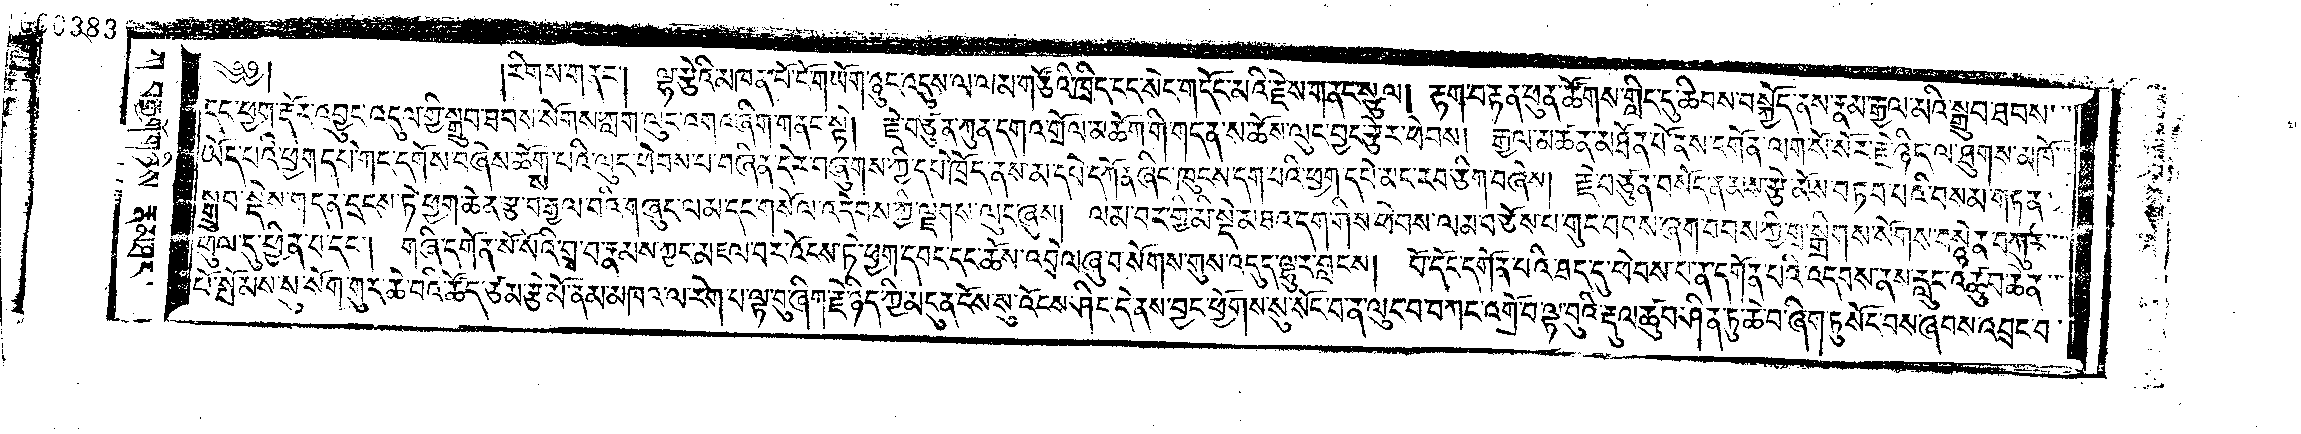༄༅། །རིགས་གནང་། ལྷ་རྩེའི་མཁན་པོ་ངོ་གཡོག་ཉུང་འདུས་ལ་ལམ་གཙོའི་ཁྲིད་དང་སེང་གདོང་མའི་རྗེས་གནང་སྩལ། རྟག་བརྟན་ཕུན་ཚོགས་གླིང་དུ་ཆིབས་བསྐྱོད་ནས་རྣམ་རྒྱལ་མའི་སྒྲུབ་ཐབས་
དང་ཕྱག་རྡོར་འབྱུང་འདུལ་གྱི་སྒྲུབ་ཐབས་སོགས་ཀླག་ལུང་འགའ་ཞིག་གནང་སྟེ། རྗེ་བཙུན་ཀུན་དགའ་གྲོལ་མཆོག་གི་གདན་ས་ཆོས་ལུང་བྱང་རྩེར་ཕེབས། རྒྱལ་མཚན་མཐོན་པོ་ནས་དགོན་ལག་སོ་སོར་རྗེ་ཉིད་ལ་ཐུགས་མཁོ་
ཡོད་པའི་ཕྱག་དཔེ་གང་དགོས་བཞེས་ཆོགས་པའི་ལུང་ཕེབས་པ་བཞིན་དེར་བཞུགས་ཀྱི་དཔེ་ཁྲོད་ནས་མ་དཔེ་དཀོན་ཞིང་ཁུངས་དག་པའི་ཕྱག་དཔེ་མང་རབ་ཅིག་བཞེས། རྗེ་བཙུན་བསོད་ནམས་རྩེ་མོས་བཏབ་པའི་བསམ་གཏན་
སྒྲུབ་སྡེས་གདན་དྲངས་ཏེ་ཕྱག་ཆེན་རྩ་བརྒྱལ་བའི་གཞུང་ལམ་དང་གསོལ་འདེབས་ཀྱི་ལྗགས་ལུང་ཞུས། ལམ་བར་གྱི་མི་སྡེ་མཐའ་དག་གིས་ཕེབས་ལམ་བཅོས་པ་གུང་བབས་ཞག་བབས་ཀྱི་གྲ་སྒྲིགས་སོགས་བསྙེན་བཀུར་
ཕུལ་དུ་ཕྱིན་པ་དང་། གཞི་དགོན་སོ་སོའི་གྲྭ་བ་རྣམས་ཀྱང་མཇལ་བར་འོངས་ཏེ་ཕྱག་དབང་དང་ཆོས་འབྲེལ་ཞུ་བ་སོགས་གུས་འདུད་ལྷུར་བླངས། བོ་དོང་དགོན་པའི་ཐད་དུ་ཕེབས་པ་ན་དགོན་པའི་འདབས་ནས་རླུང་འཚུབ་ཆེན་
བོ་སྦོམས་སུ་སོག་གུར་ཆེ་བའི་ཚོད་ཙམ་རྩེ་མོ་ནམ་མཁའ་ལ་རེག་པ་ལྟ་བུ་ཞིག་རྗེ་ཉིད་ཀྱི་མདུན་ངོས་སུ་འོངས་ཤིང་དེ་ནས་བྱང་ཕྱོགས་སུ་སོང་བན་ལུང་པ་བཀང་འགྲོ་བ་ལྟ་བུའི་རྡུལ་ཚུབ་ཤིན་ཏུ་ཆེ་བ་ཞིག་ཏུ་སོང་བས་ཞབས་འབྲང་བ་